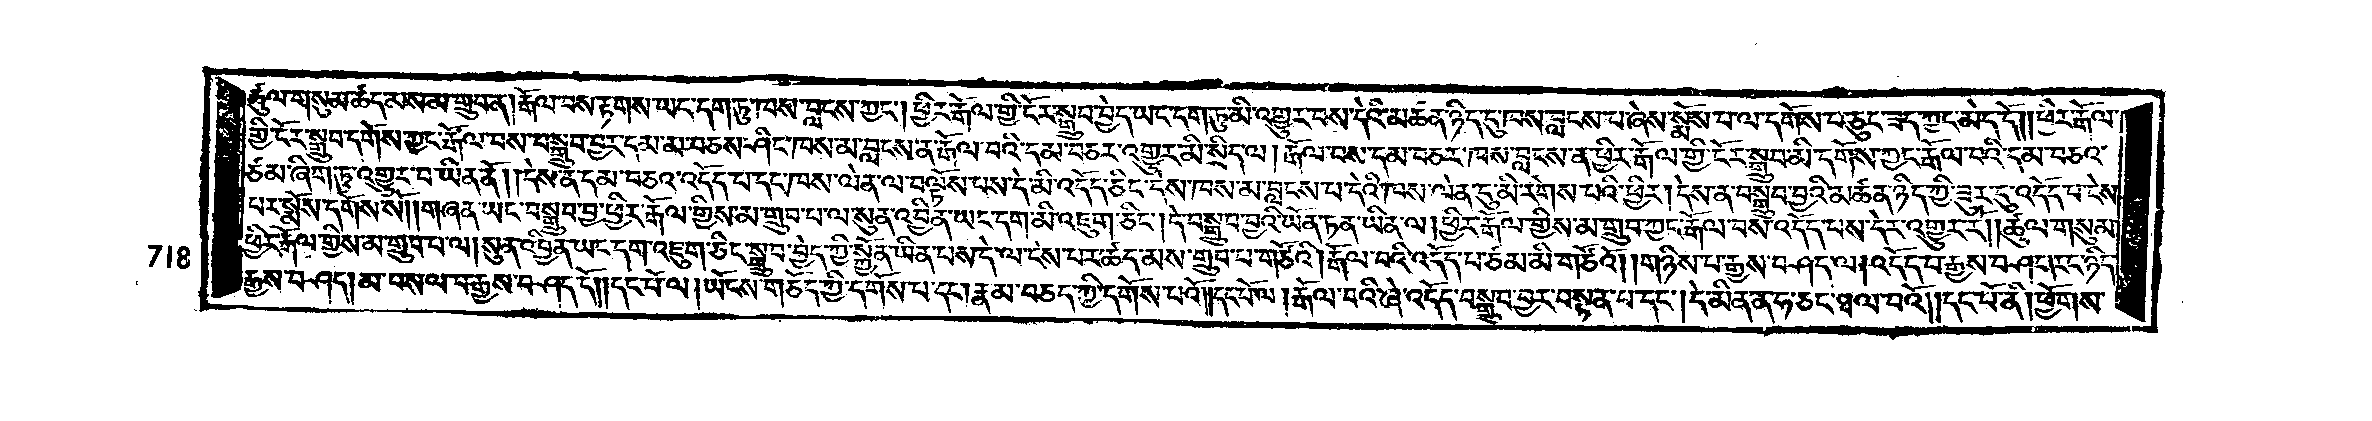ཚུལ་གསུམ་ཚད་མས་མ་གྲུབ་ན། རྒོལ་བས་རྟགས་ཡང་དག་ཏུ་ཁས་བླངས་ཀྱང་། ཕྱིར་རྒོལ་གྱི་ངོར་སྒྲུབ་བྱེད་ཡང་དག་ཏུ་མི་འགྱུར་བས་དེའི་མཚན་ཉིད་དུ་ཁས་བླངས་པ་ཞེས་སྨོས་པ་ལ་དགོས་པ་ཅུང་ཟད་ཀྱང་མེད་དོ། །ཕྱིར་རྒོལ་
གྱི་ངོར་སྒྲུབ་དགོས་ཀྱང་རྒོལ་བས་བསྒྲུབ་བྱར་དམ་མ་བཅས་ཤིང་ཁས་མ་བླངས་ན་རྒོལ་བའི་དམ་བཅར་འགྱུར་མི་སྲིད་ལ། རྒོལ་བས་དམ་བཅར་ཁས་བླངས་ན་ཕྱིར་རྒོལ་གྱི་ངོར་སྒྲུབ་མི་དགོས་ཀྱང་རྒོལ་བའི་དམ་བཅའ་
ཙམ་ཞིག་ཏུ་འགྱུར་བ་ཡིན་ནོ། །དེས་ན་དམ་བཅའ་འདོད་པ་དང་ཁས་ལེན་ལ་བལྟོས་པས་དེ་མི་འདོད་ཅིང་དེས་ཁས་མ་བླངས་པ་དེའི་ཁས་ལེན་དུ་མི་རིགས་པའི་ཕྱིར། དེས་ན་བསྒྲུབ་བྱའི་མཚན་ཉིད་ཀྱི་ཟུར་དུ་འདོད་པ་ངེས་
པར་སྨོས་དགོས་སོ། །གཞན་ཡང་བསྒྲུབ་བྱ་ཕྱིར་རྒོལ་གྱིས་མ་གྲུབ་པ་ལ་སུན་འབྱིན་ཡང་དག་མི་འཇུག་ཅིང་། དེ་བསྒྲུབ་བྱའི་ཡོན་ཏན་ཡིན་ལ། ཕྱིར་རྒོལ་གྱིས་མ་གྲུབ་ཀྱང་རྒོལ་བས་འདོད་པས་དེར་འགྱུར་རོ། །ཚུལ་གསུམ་
ཕྱིར་རྒོལ་གྱིས་མ་གྲུབ་པ་ལ། སུན་འབྱིན་ཡང་དག་འཇུག་ཅིང་སྒྲུབ་བྱེད་ཀྱི་སྐྱོན་ཡིན་པས་དེ་ལ་ངེས་པར་ཚད་མས་གྲུབ་པ་གཙོའི། རྒོལ་བའི་འདོད་པ་ཙམ་མི་གཙོའོ། །གཉིས་པ་རྒྱས་བཤད་ལ། འདོད་པ་རྒྱས་བཤད། རང་ཉིད་
རྒྱས་བཤད། མ་བསལ་བ་རྒྱས་བཤད་དོ། །དང་པོ་ལ། ཡོངས་གཅོད་གྱི་དགོས་པ་དང་། རྣམ་བཅད་ཀྱི་དགོས་པའོ། །དང་པོ་ལ། རྒོལ་བའི་ཞེ་འདོད་བསྒྲུབ་བྱར་བསྟན་པ་དང་། དེ་མིན་ན་ཧ་ཅང་ཐལ་བའོ། །དང་པོ་ནི། ཕྱོགས་